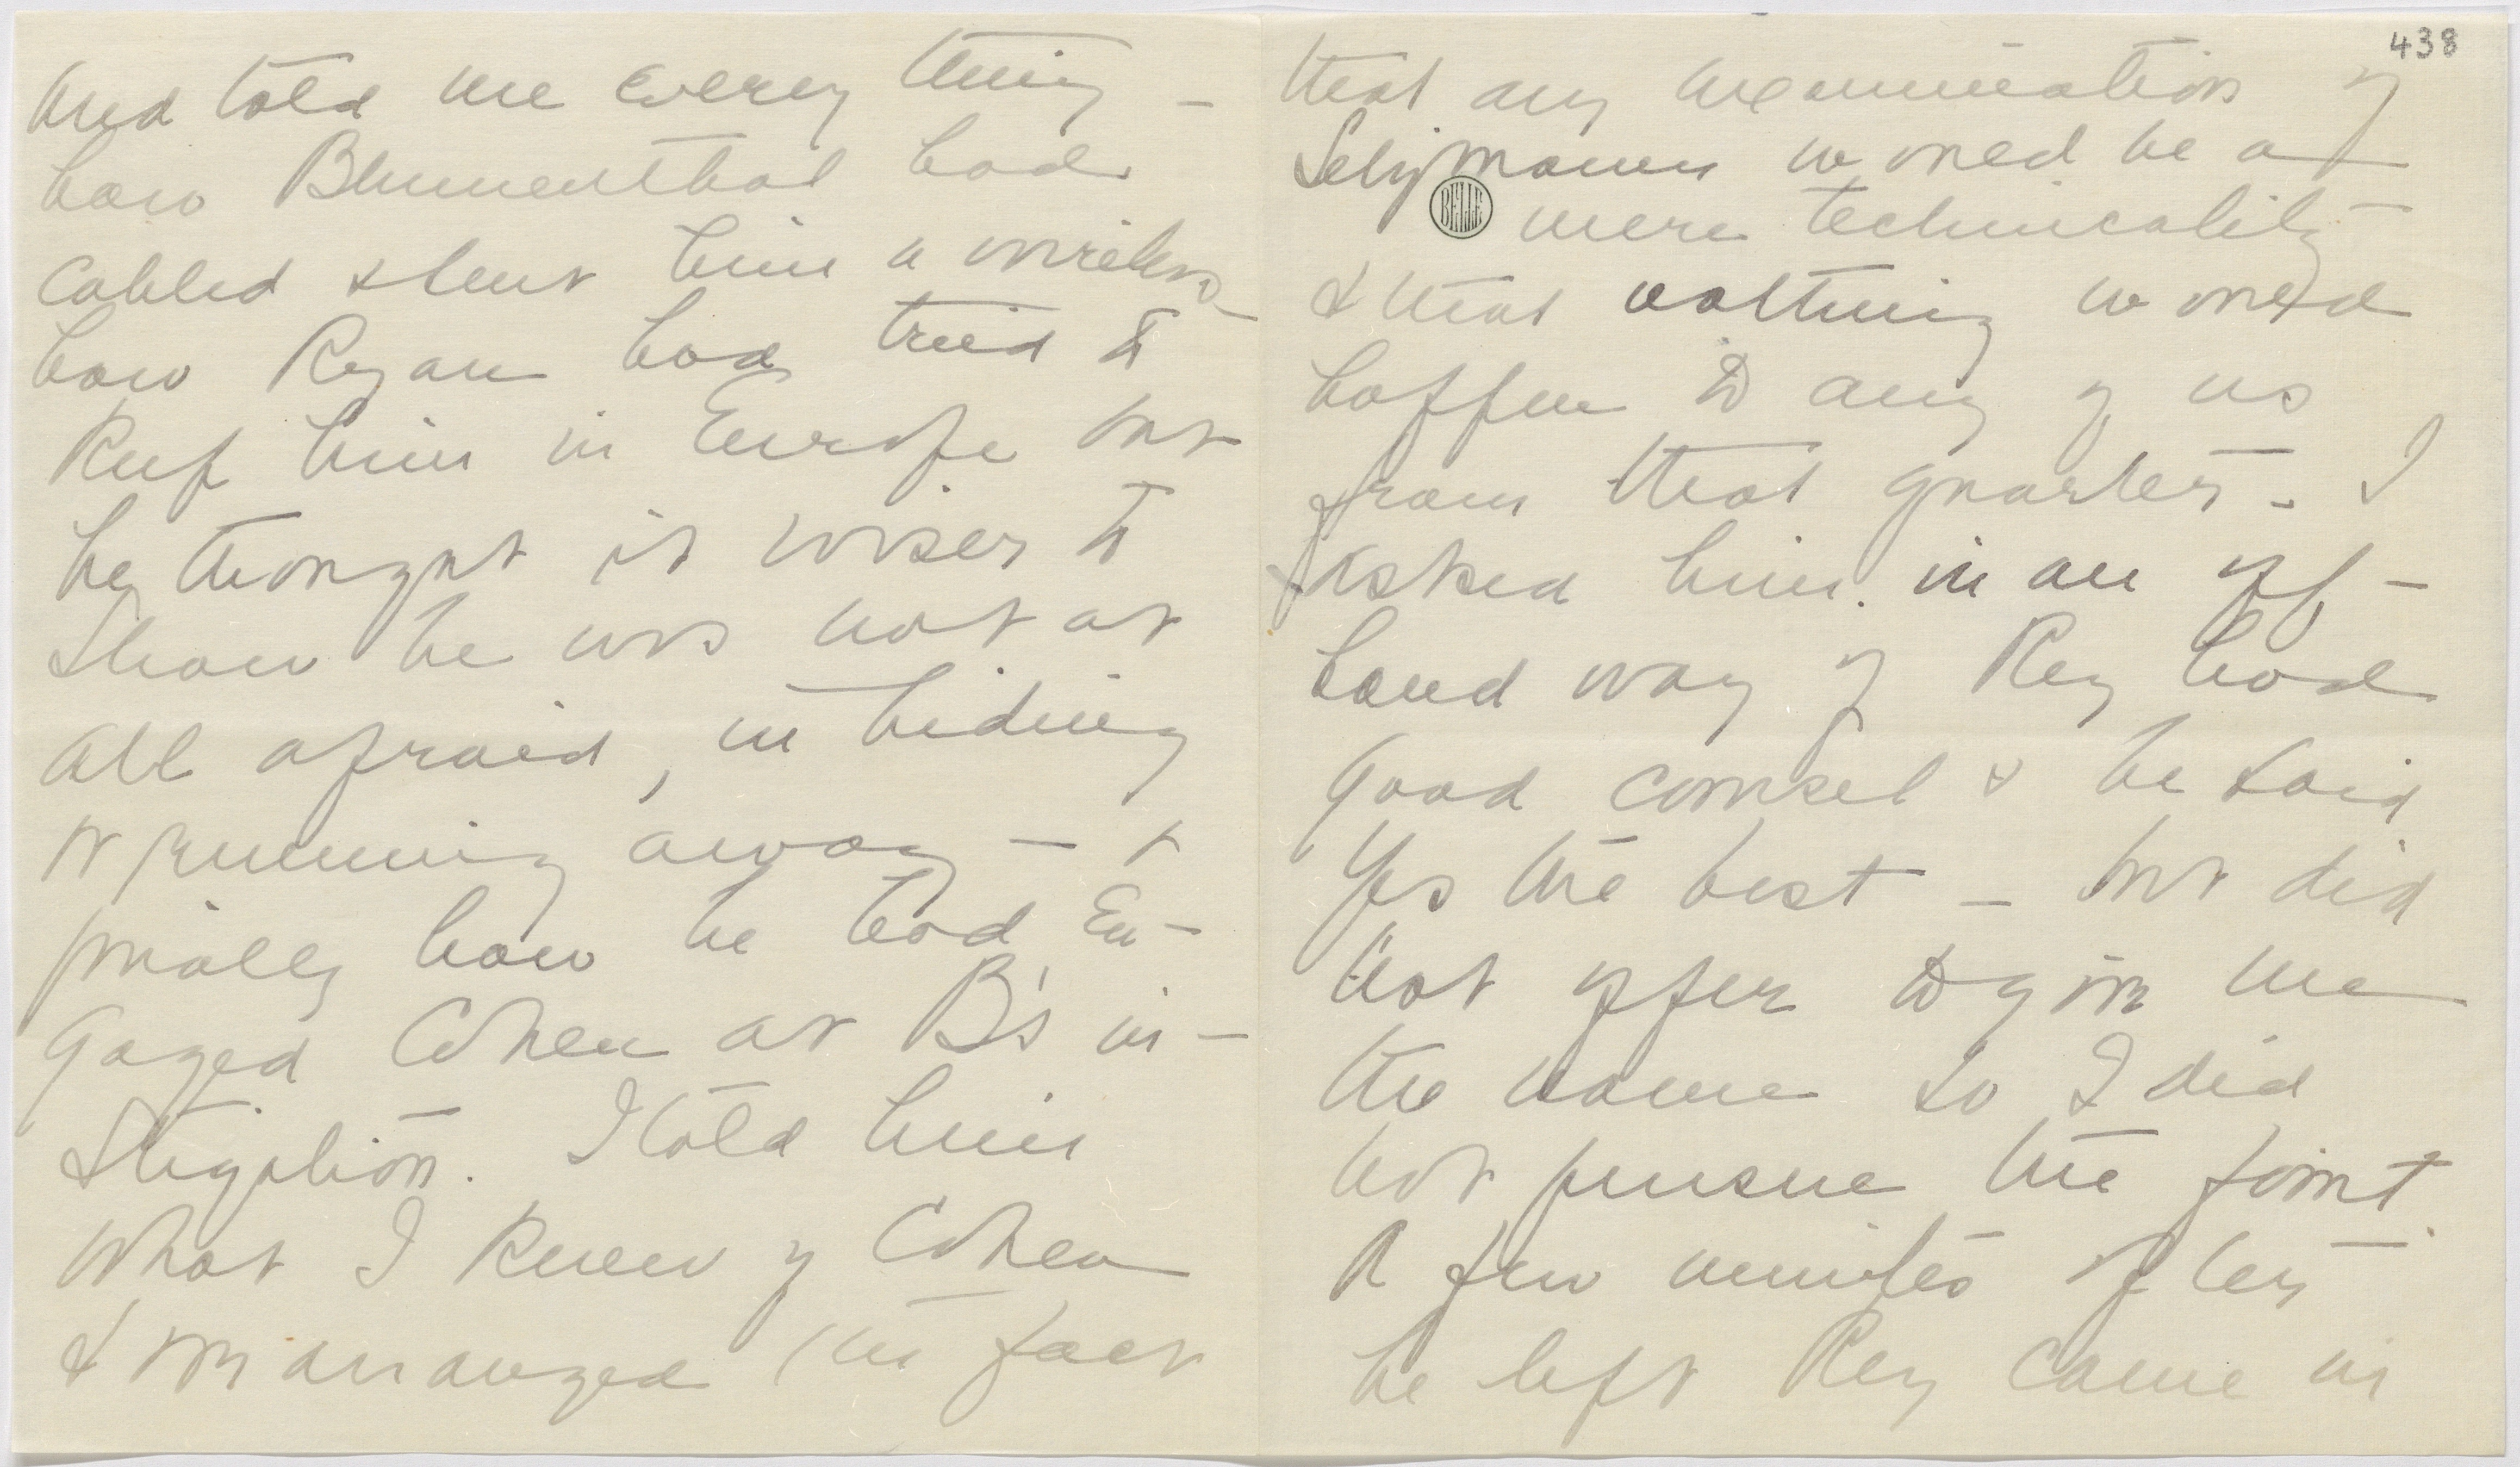that any examination of Seligmann would be a mere technicality & that nothing would happen to any of us from that quarter – I asked him in an off-hand way if Rey had good counsel & he said Yes the best – but did not offer to give me the name so I did not pursue the point. A few minutes after he left Rey came in
and told me every thing – how Blumenthal had cabled & sent him a wireless – how Ryan had tried to keep him in Europe but he thought it wiser to show he was not at all afraid, in hiding or running away – & finally how he had engaged Cohen at B’s instigation. I told him what I knew of Cohen & we arranged (in fact